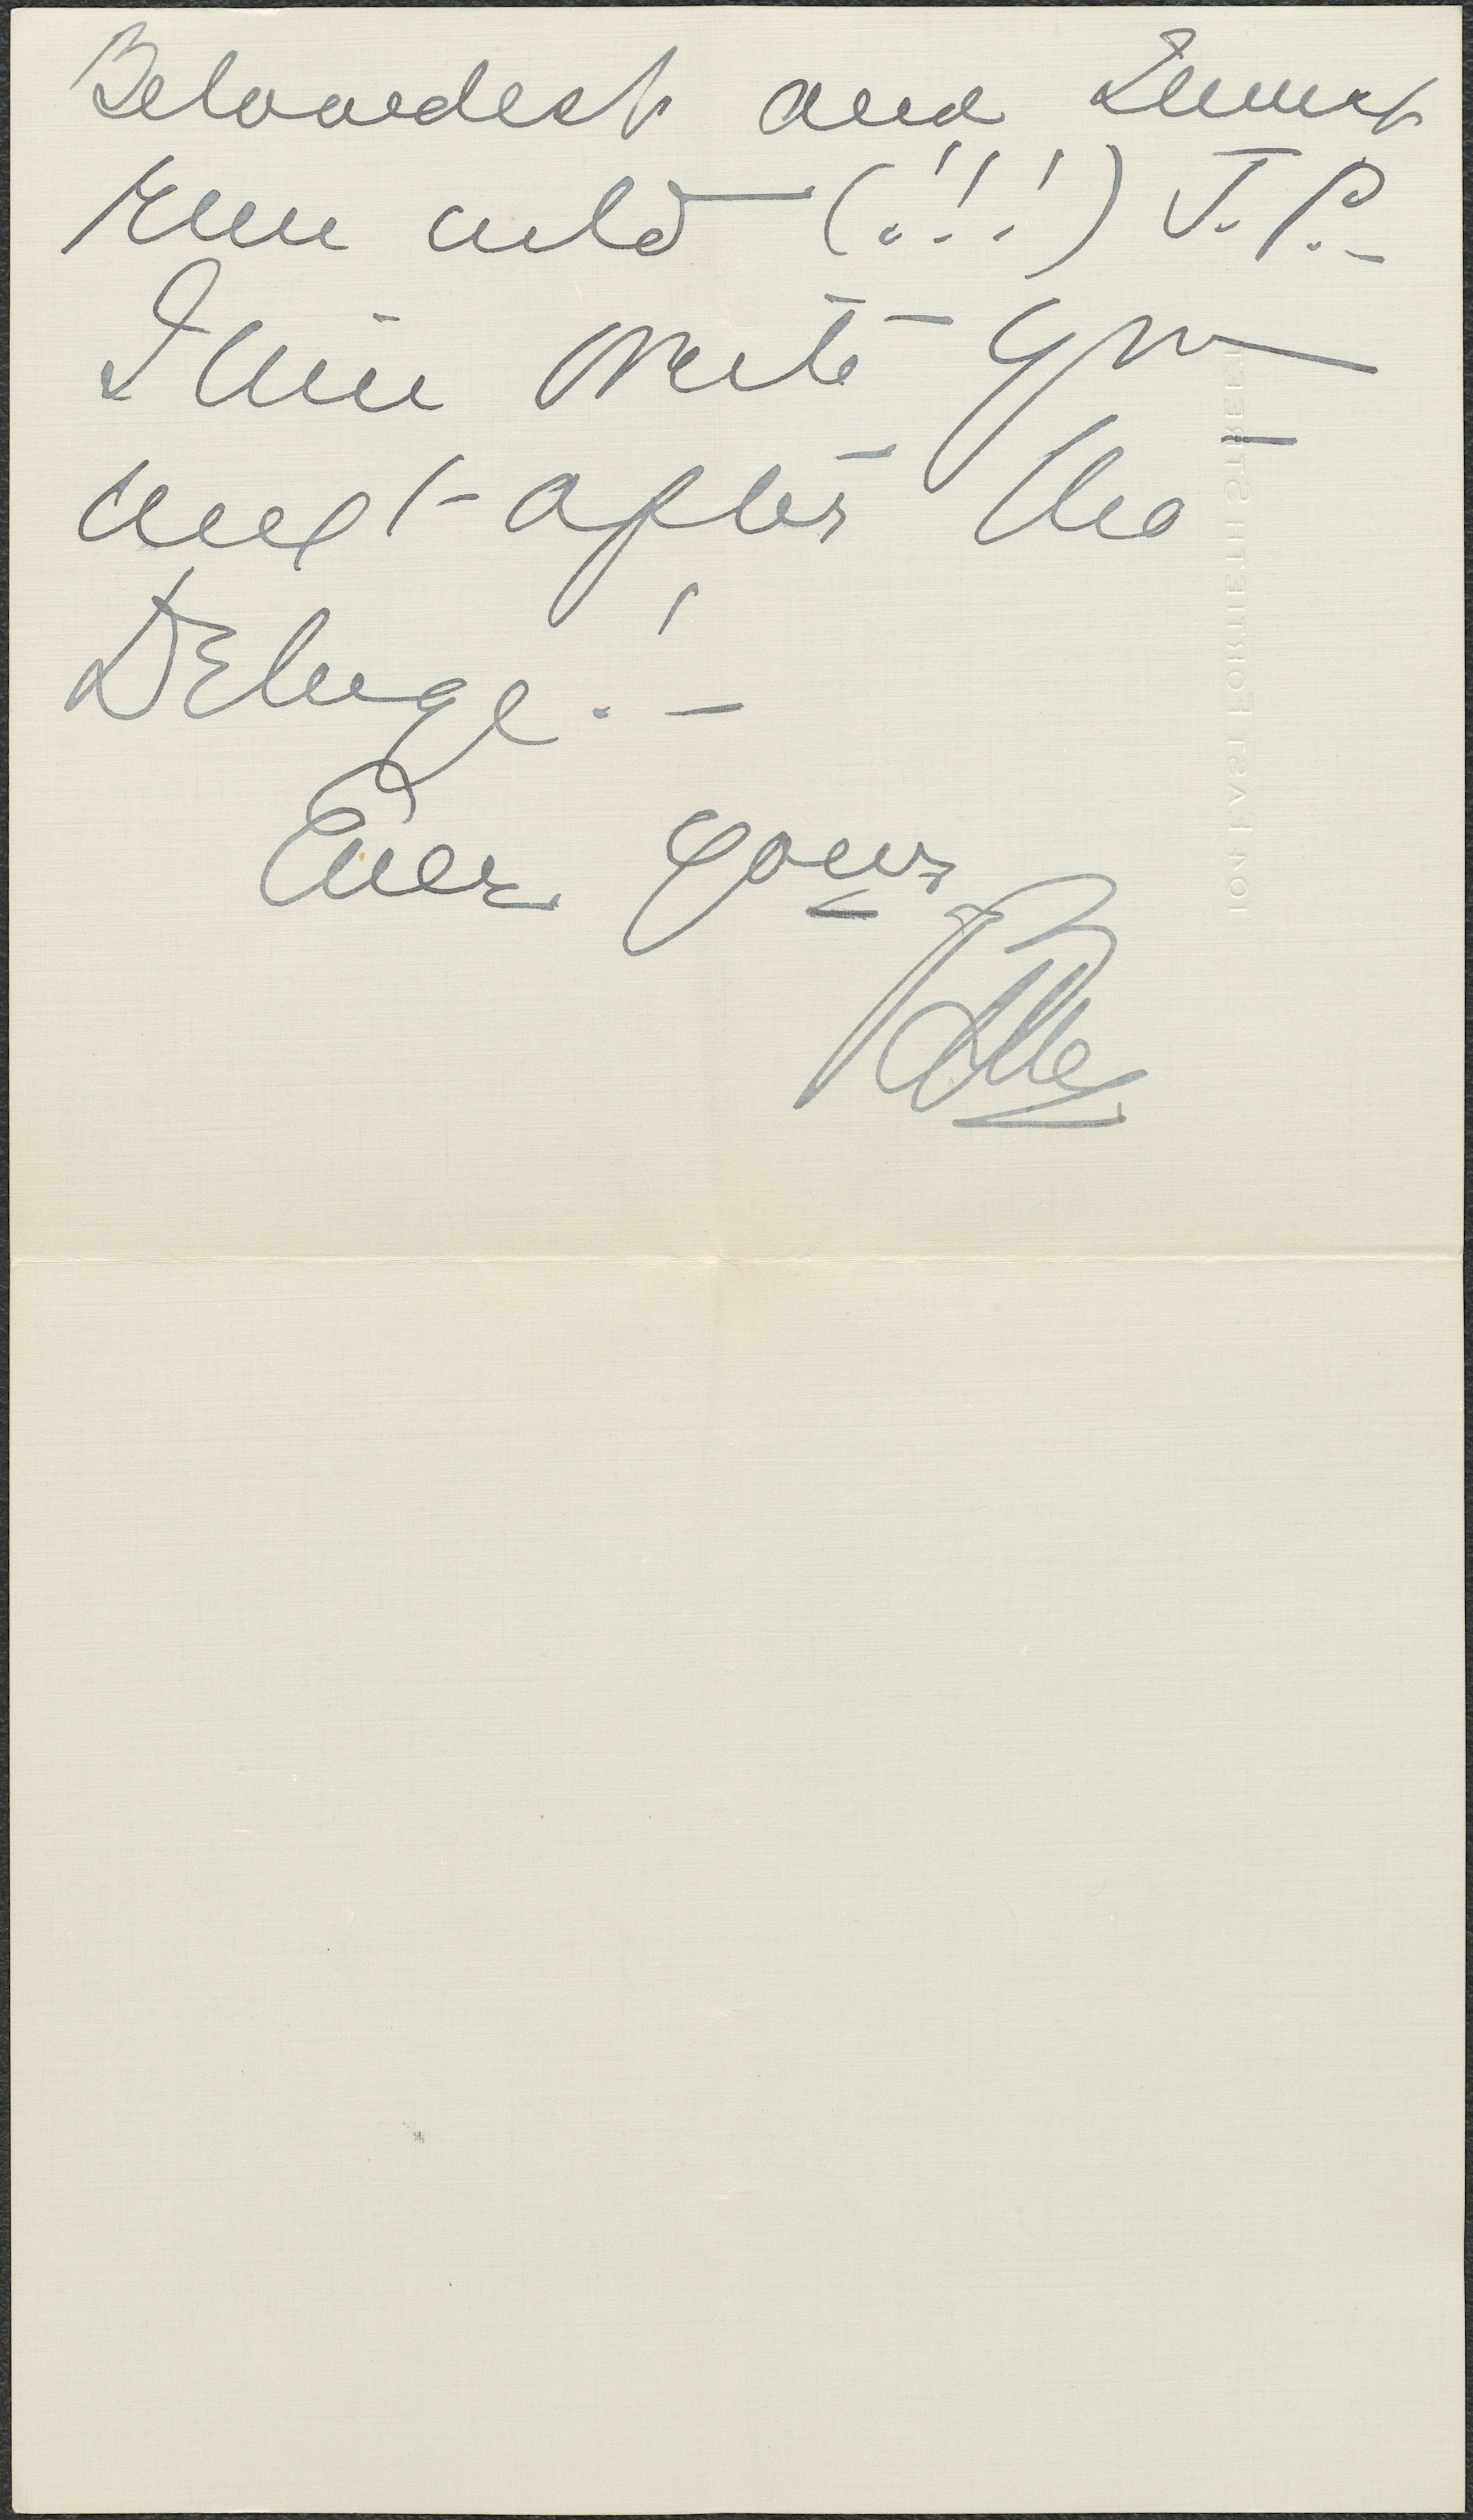Belovedest and I must run into (!!!) J. P. – I will write you next after the deluge! –
Ever your
Belle